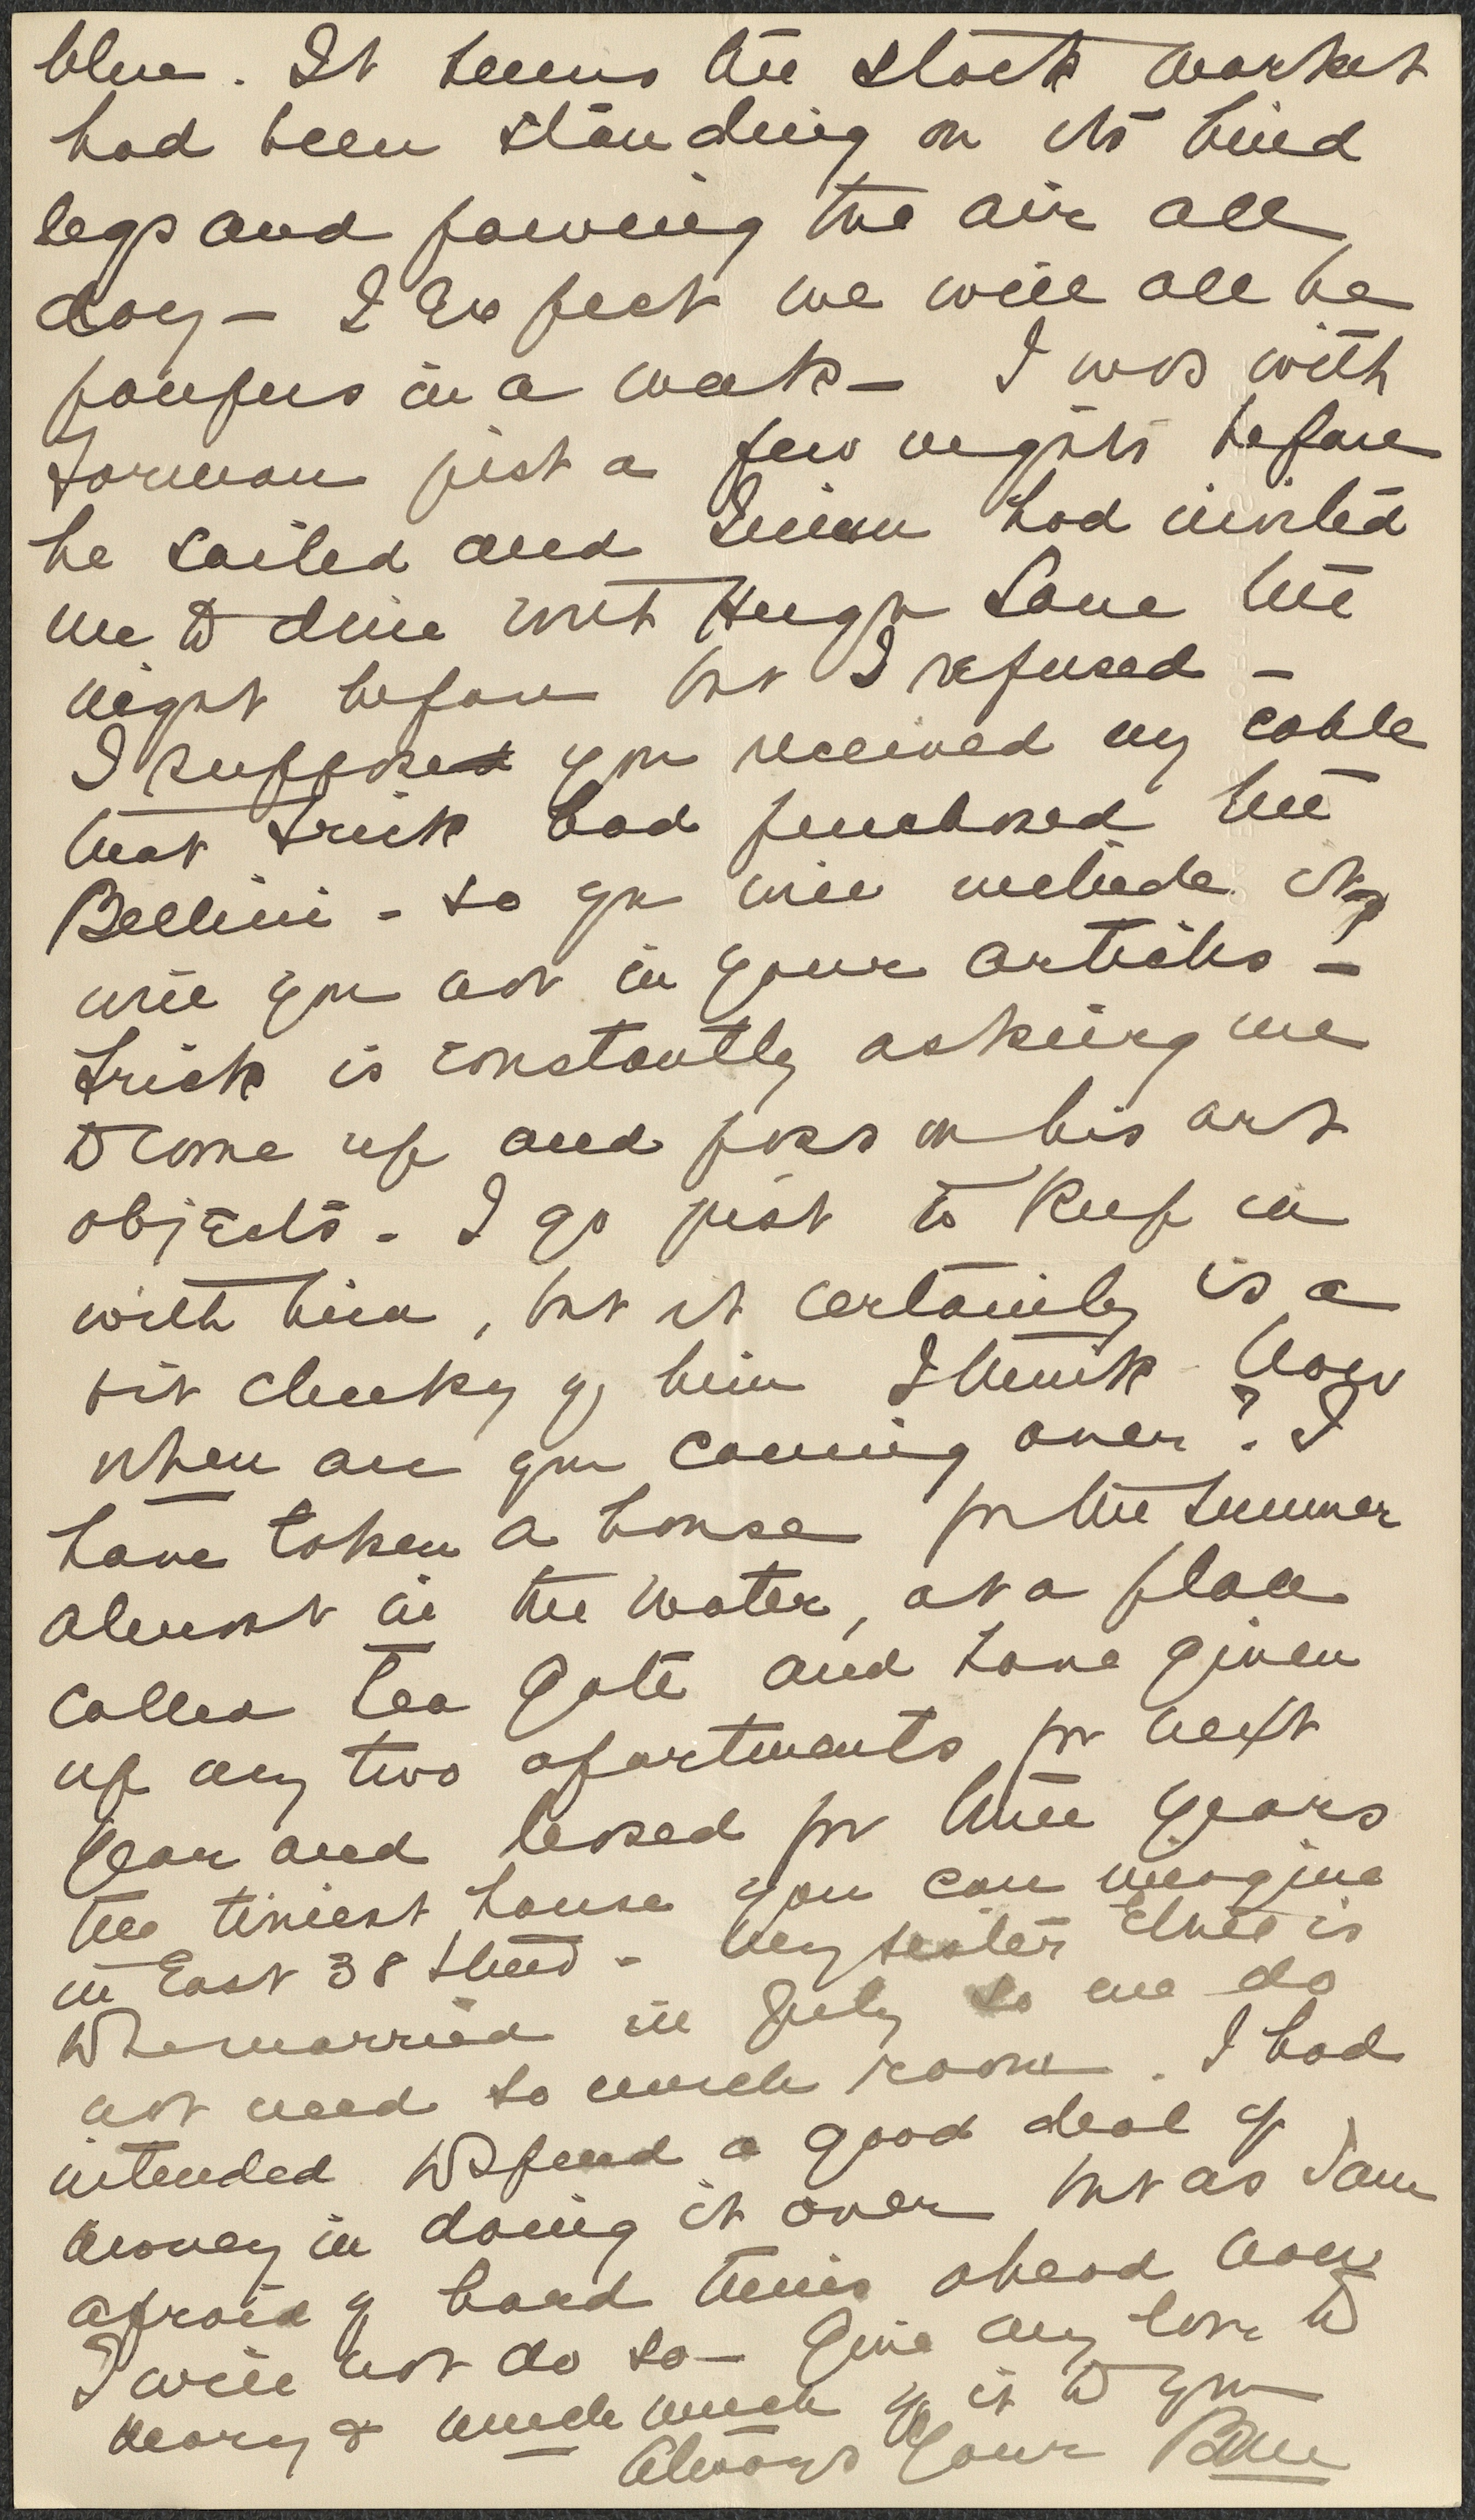blue. It seems the stock market had been standing on its hind legs and pawing the air all day – I expect we will all be paupers in a week – I was with Forman just a few nights before he sailed and Quinn had invited me to dine with Hugh Lane the night before but I refused – I supposed you received my cable that Frick had purchased the Bellini – so you will include it will you not in your articles – Frick is constantly asking me to come up and pass on his art objects – I go just to keep in with him, but it certainly is a bit clunky of him I think now when are you coming over? I have taken a house for the summer almost in the water, at a place called Sea Gate and have given up my two apartments for next year and leased for three years the tiniest house you can imagine in East 38 Street – my sister Ethel is to be married in July so we do not need so much room. I had intended to spend a good deal of money in doing it over but as I am afraid of hard times ahead now I will not do so – give my love to Mary & much much of it to you
– always your Belle